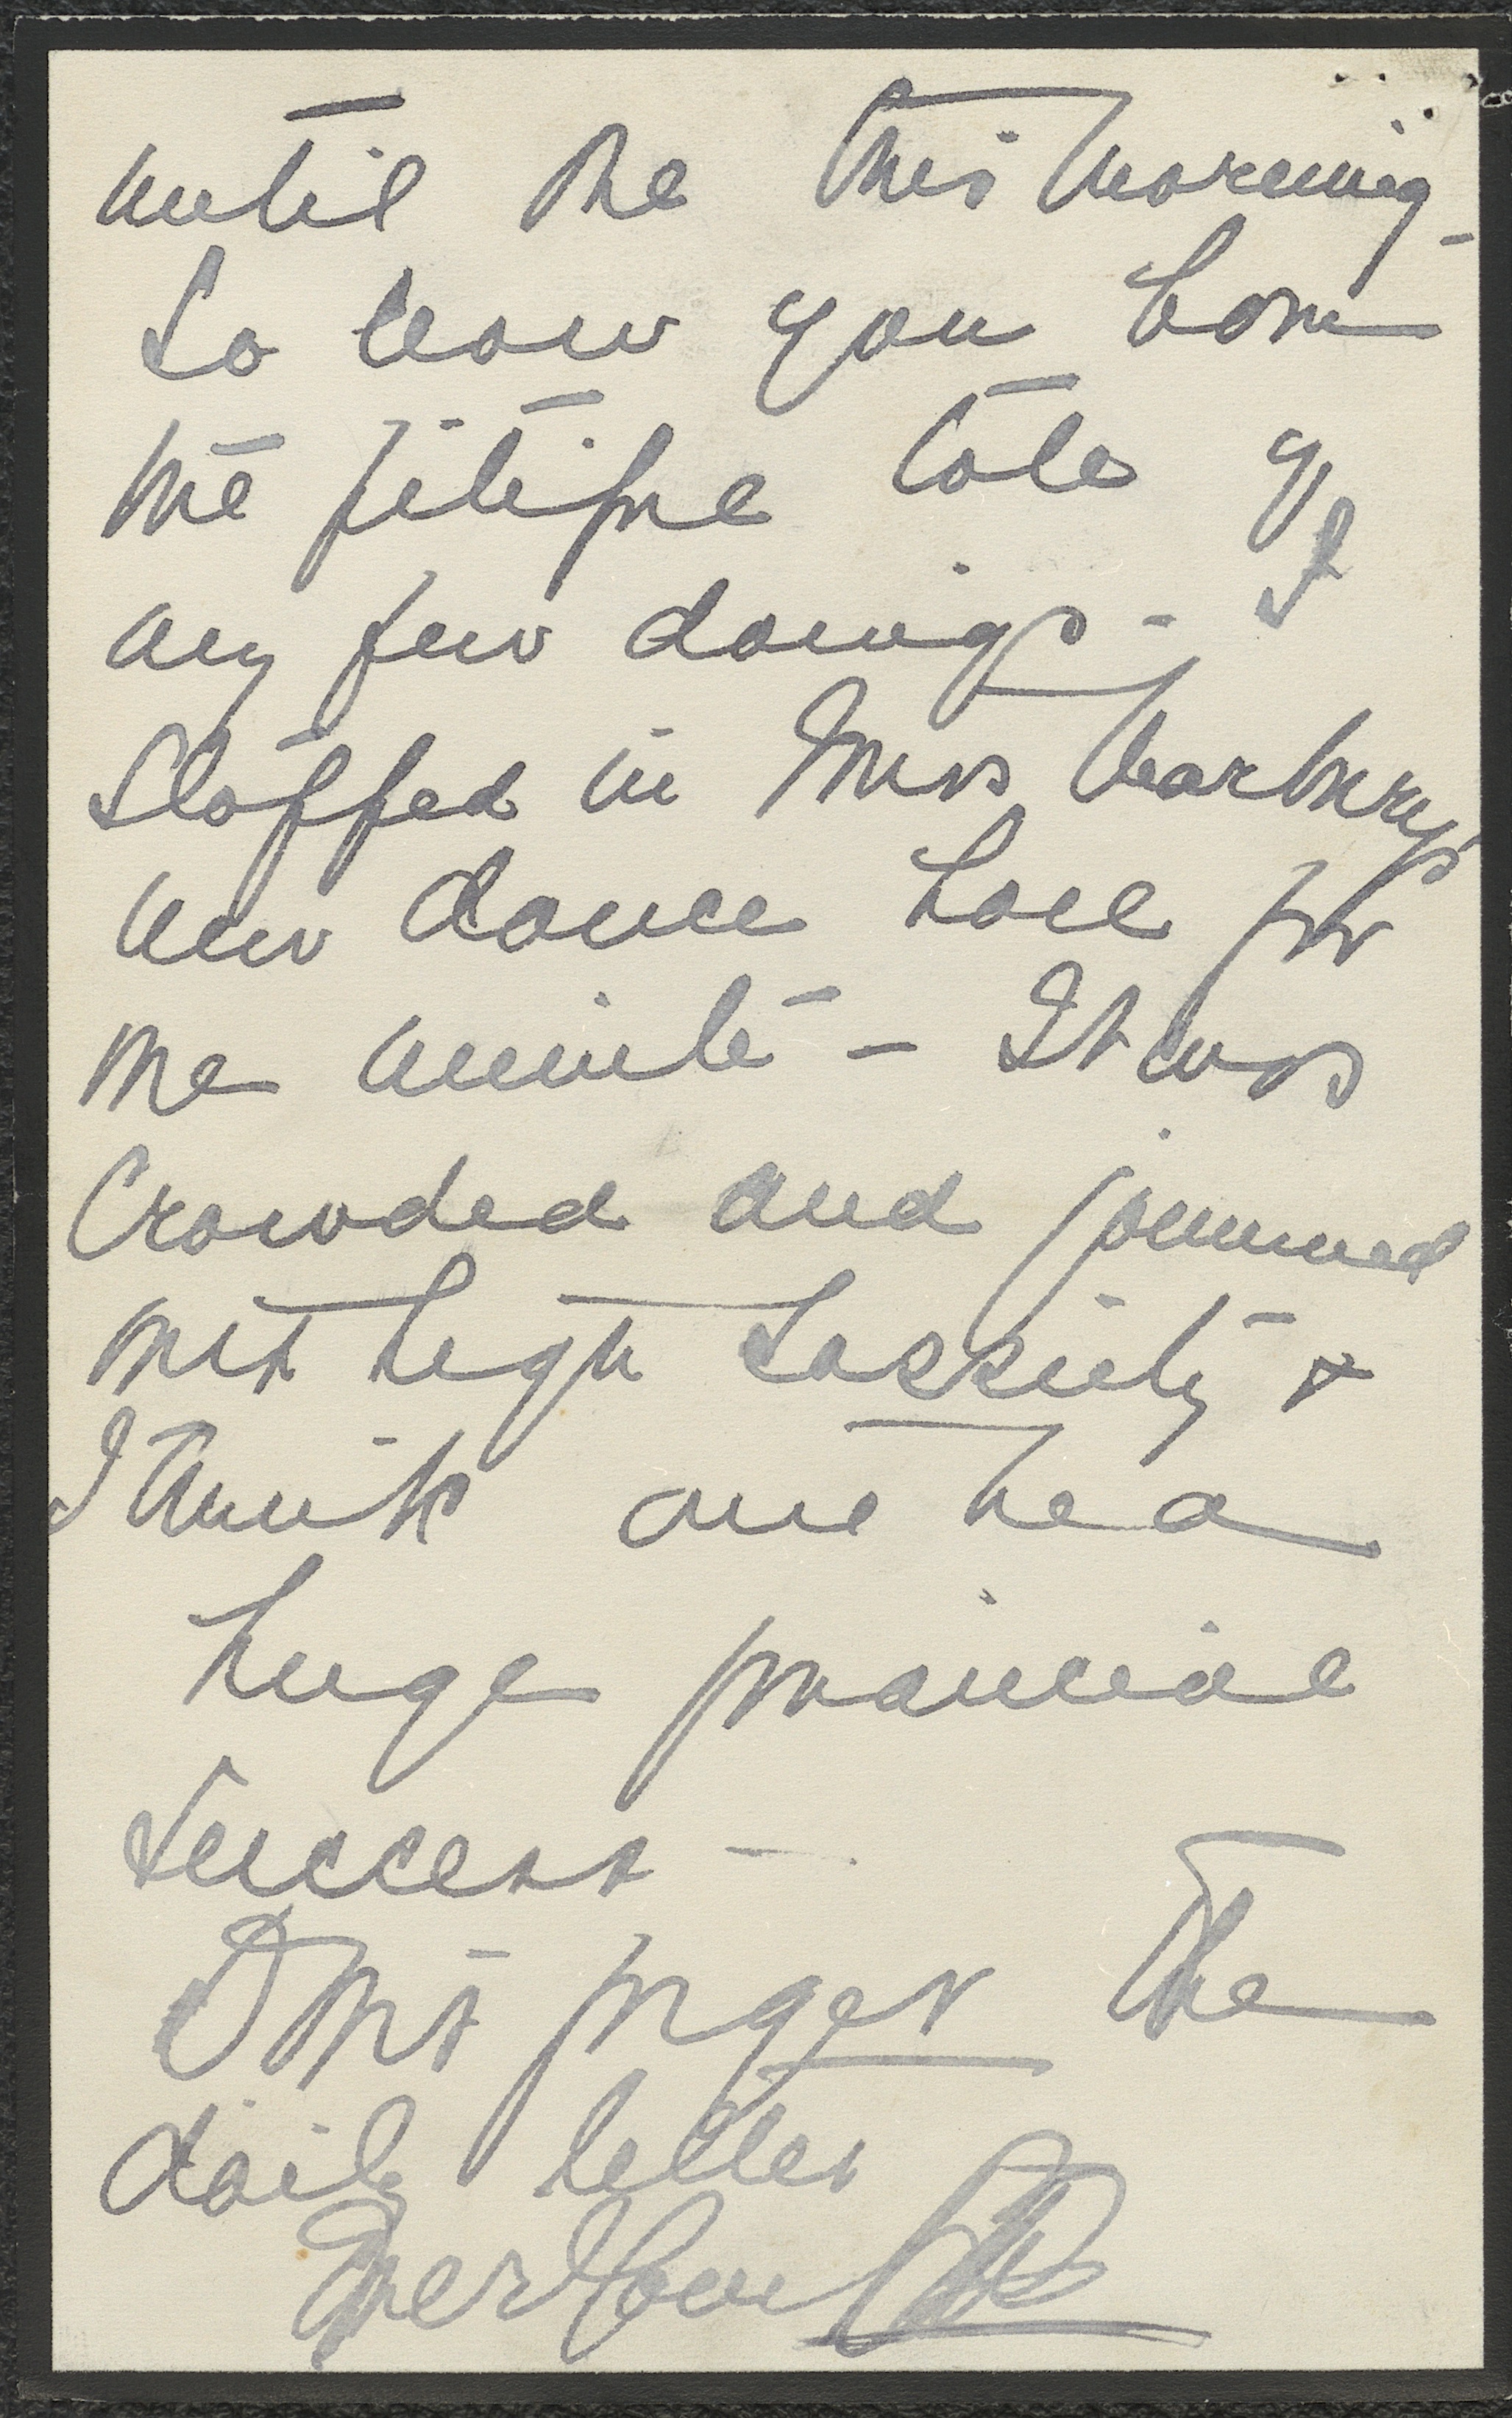until one this morning – So now you have the pitiful tale of my few doings – I stopped in Miss Marbury’s new dance hall for one minute – It was crowded and jammed with high Sassiety & I think will be a huge financial success –
Don’t forget the daily letter
Ever your Belle